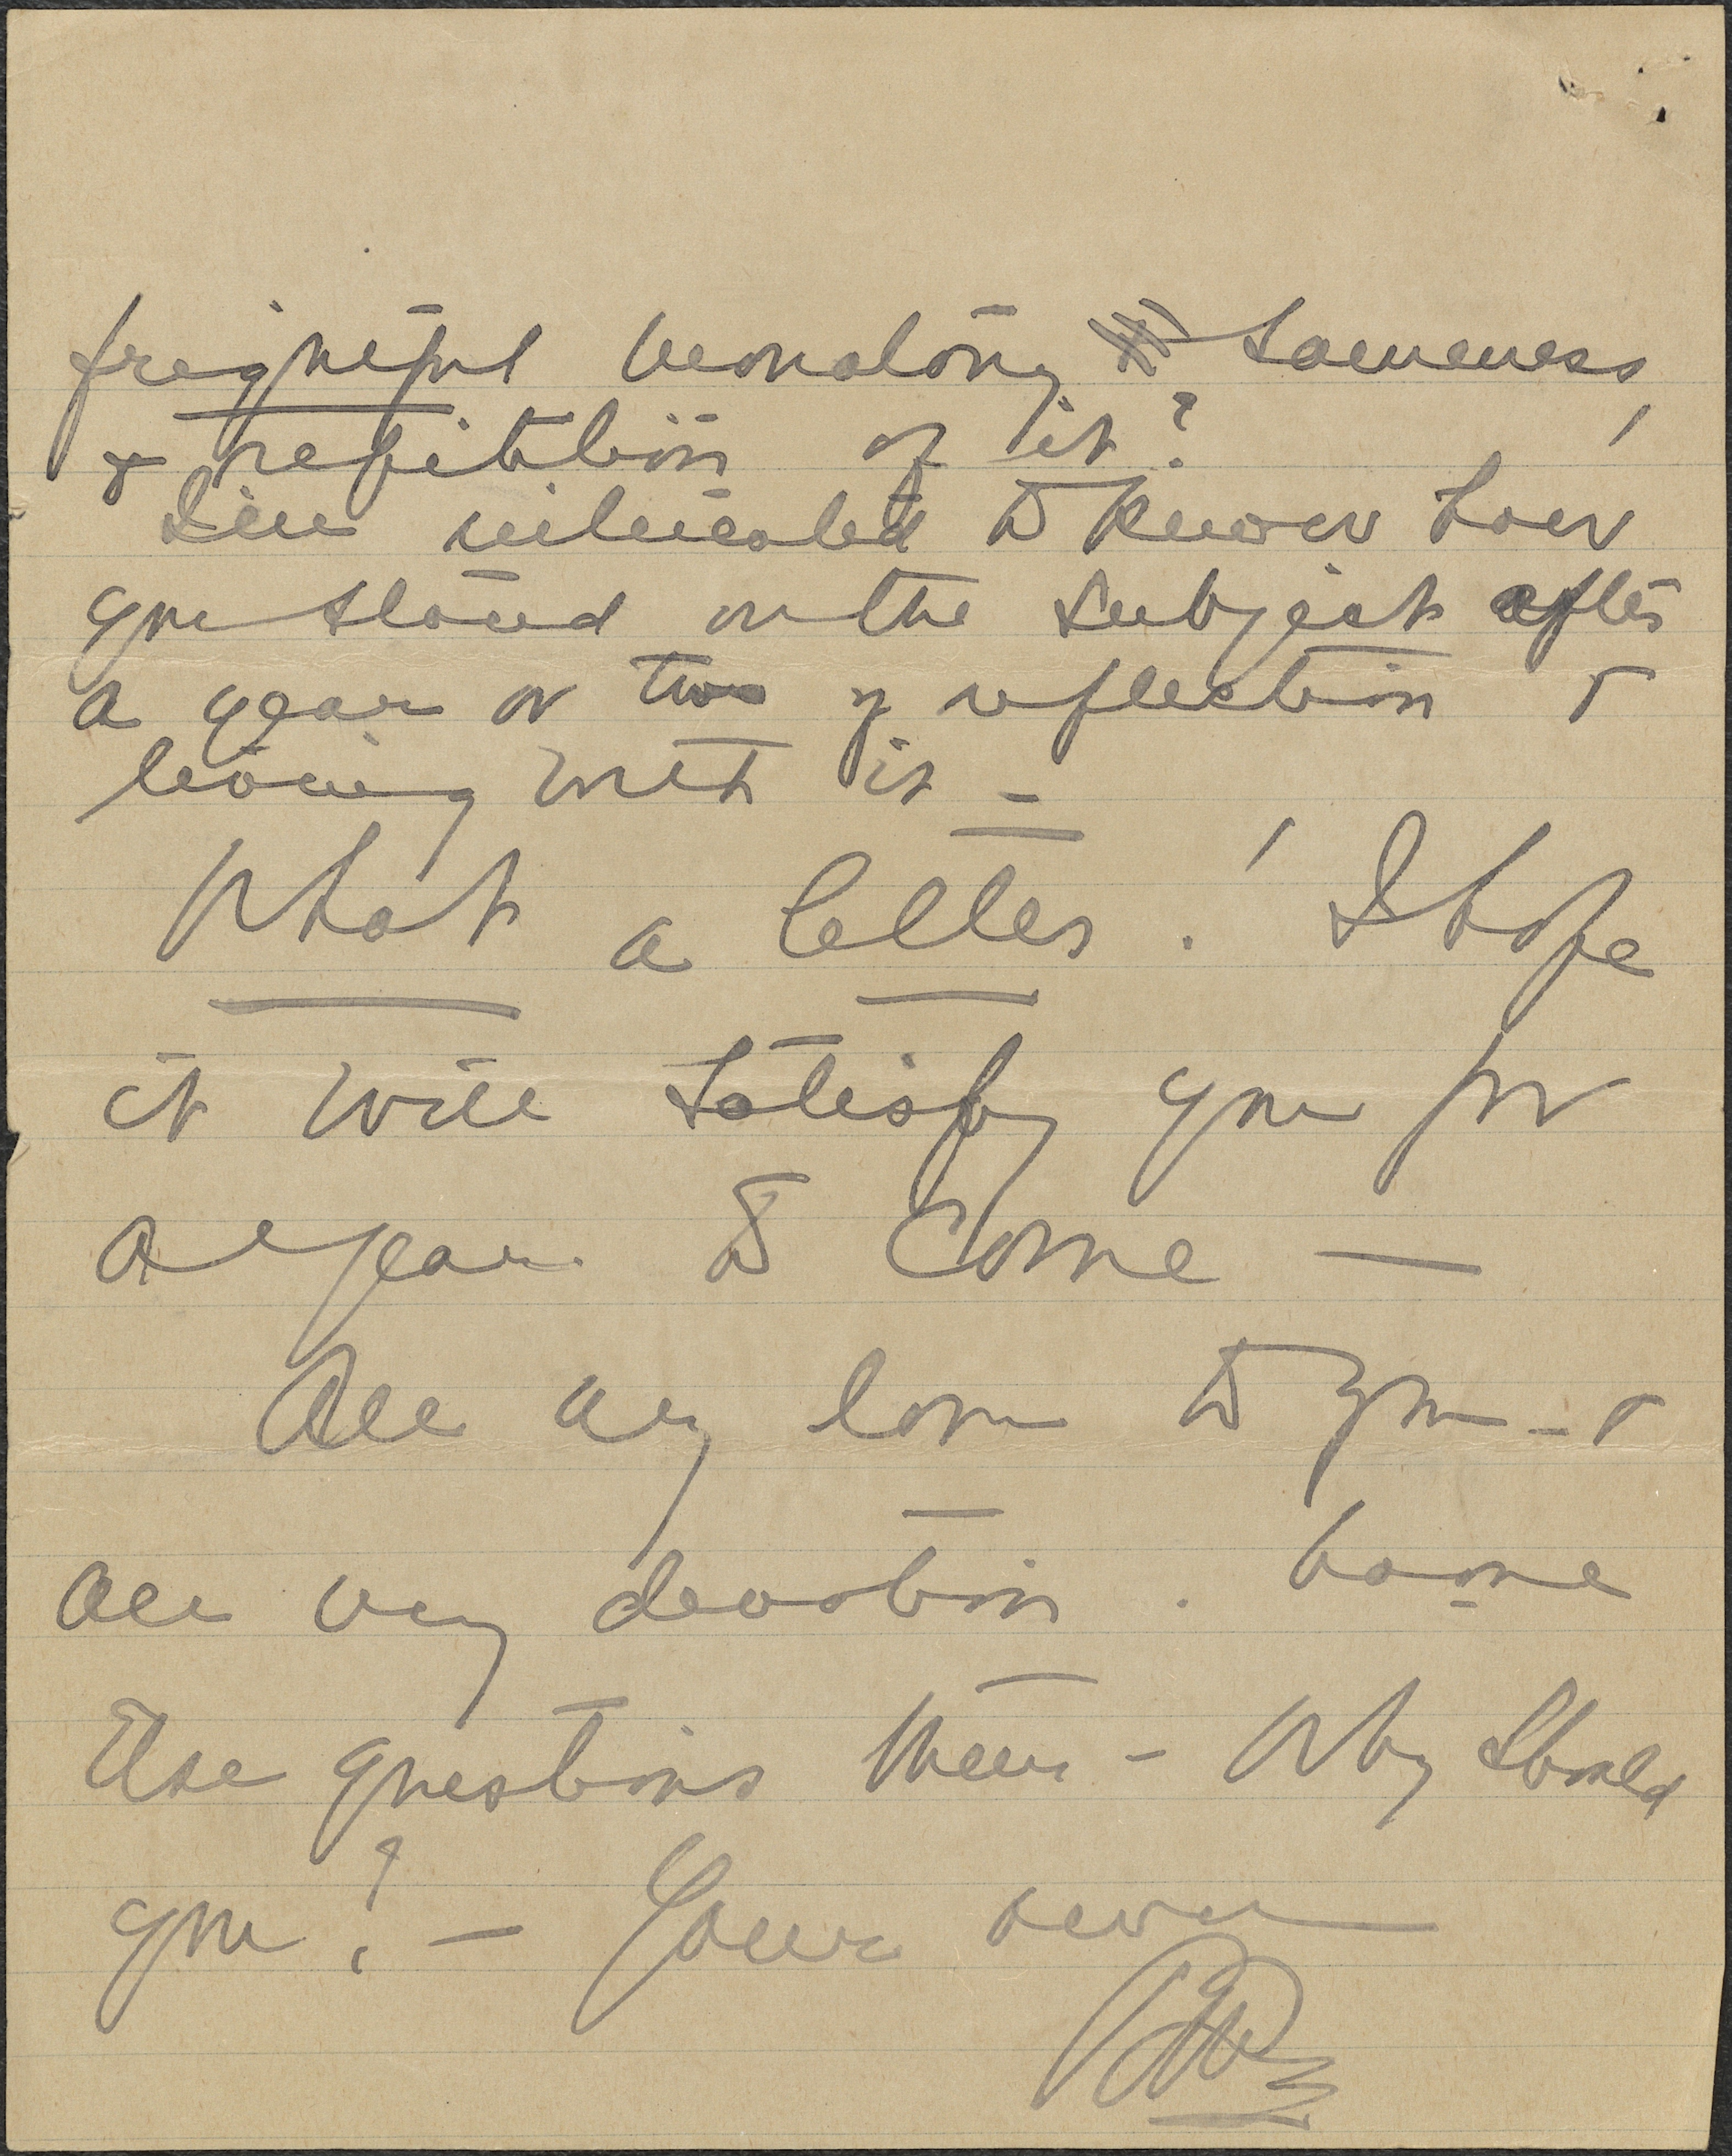frightful monotony I sameness & repetition of it?
I’m interested to know how you stand on the subject after a year or two of reflection & living with it –
What a letter! I hope it will satisfy you for a year to come –
All my love to you – & all my devotion. no one else questions them – why should you? – Your own
Belle